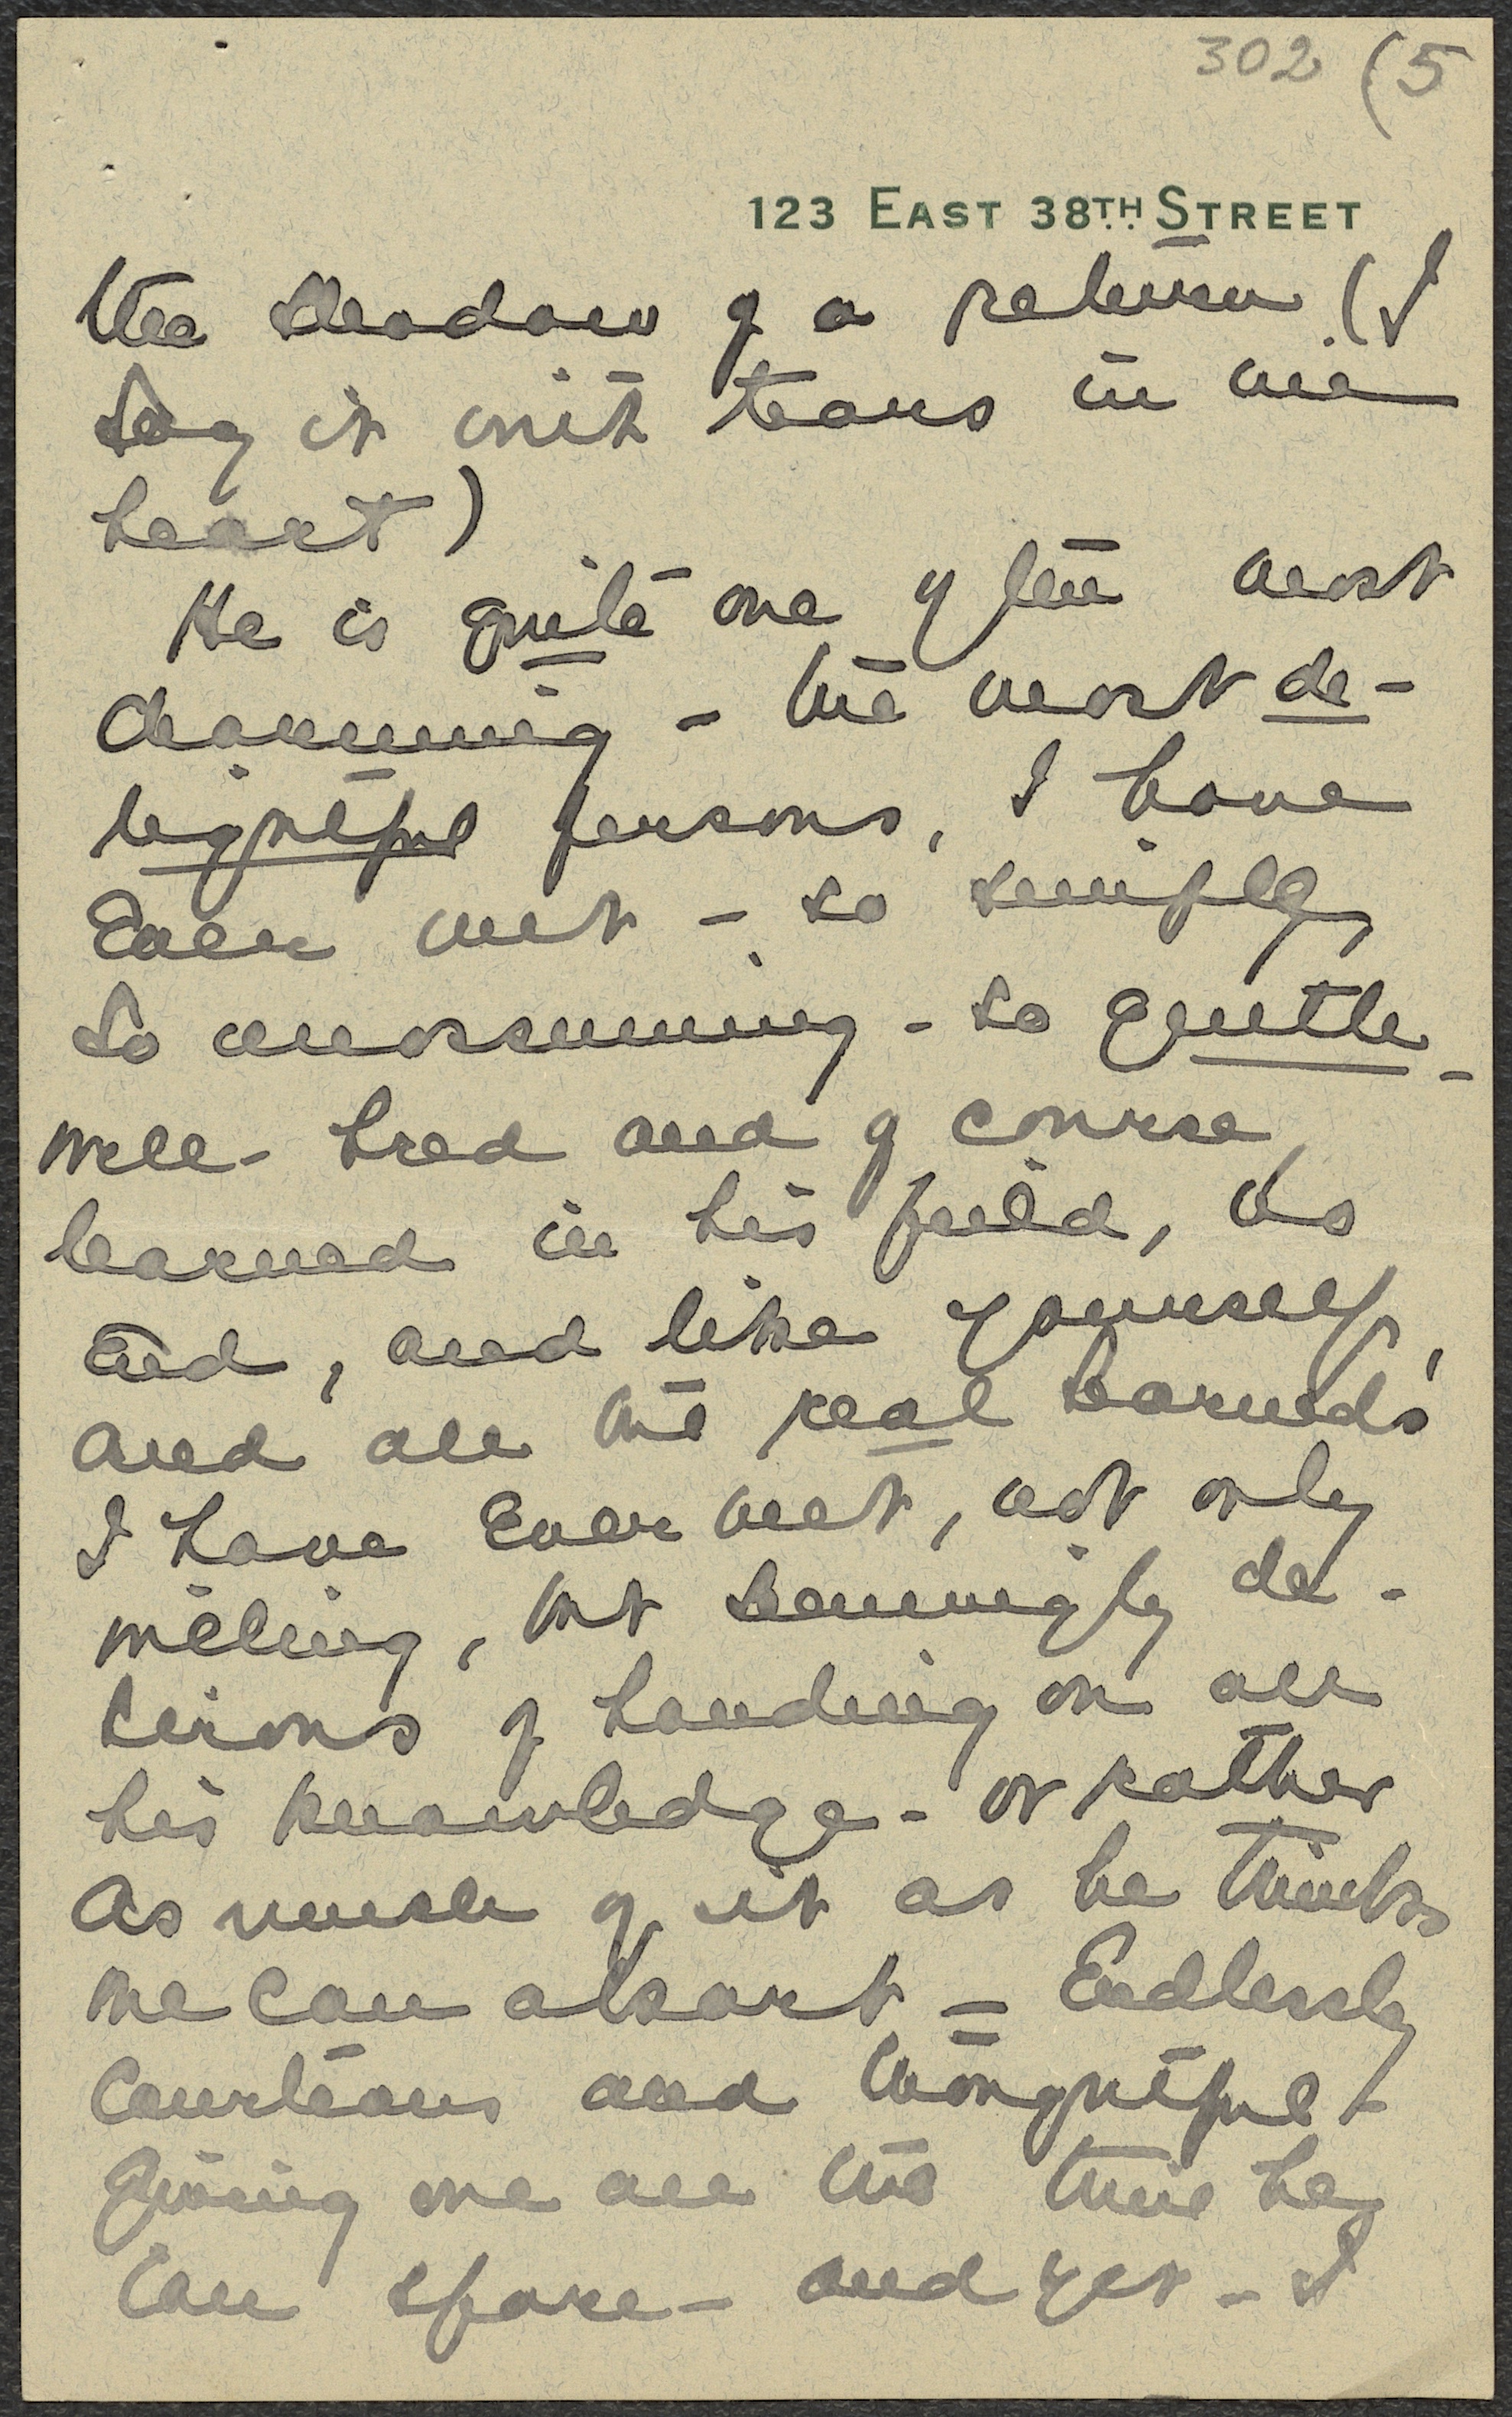the shadow of a return (I say it with tears in me heart)
He is quite one of the most charming – the most delightful persons, I have ever met – so simple, so unassuming – so gentle – well-bred and of course, learned in his field, no end, and like yourself, and all the real learned’s [sic] I have ever met, not only willing, but seemingly desirous of handing on all his knowledge – or rather as much of it as he thinks one can absorb – Endlessly courteous and thoughtful – giving one all the time he can spare – and yet – I